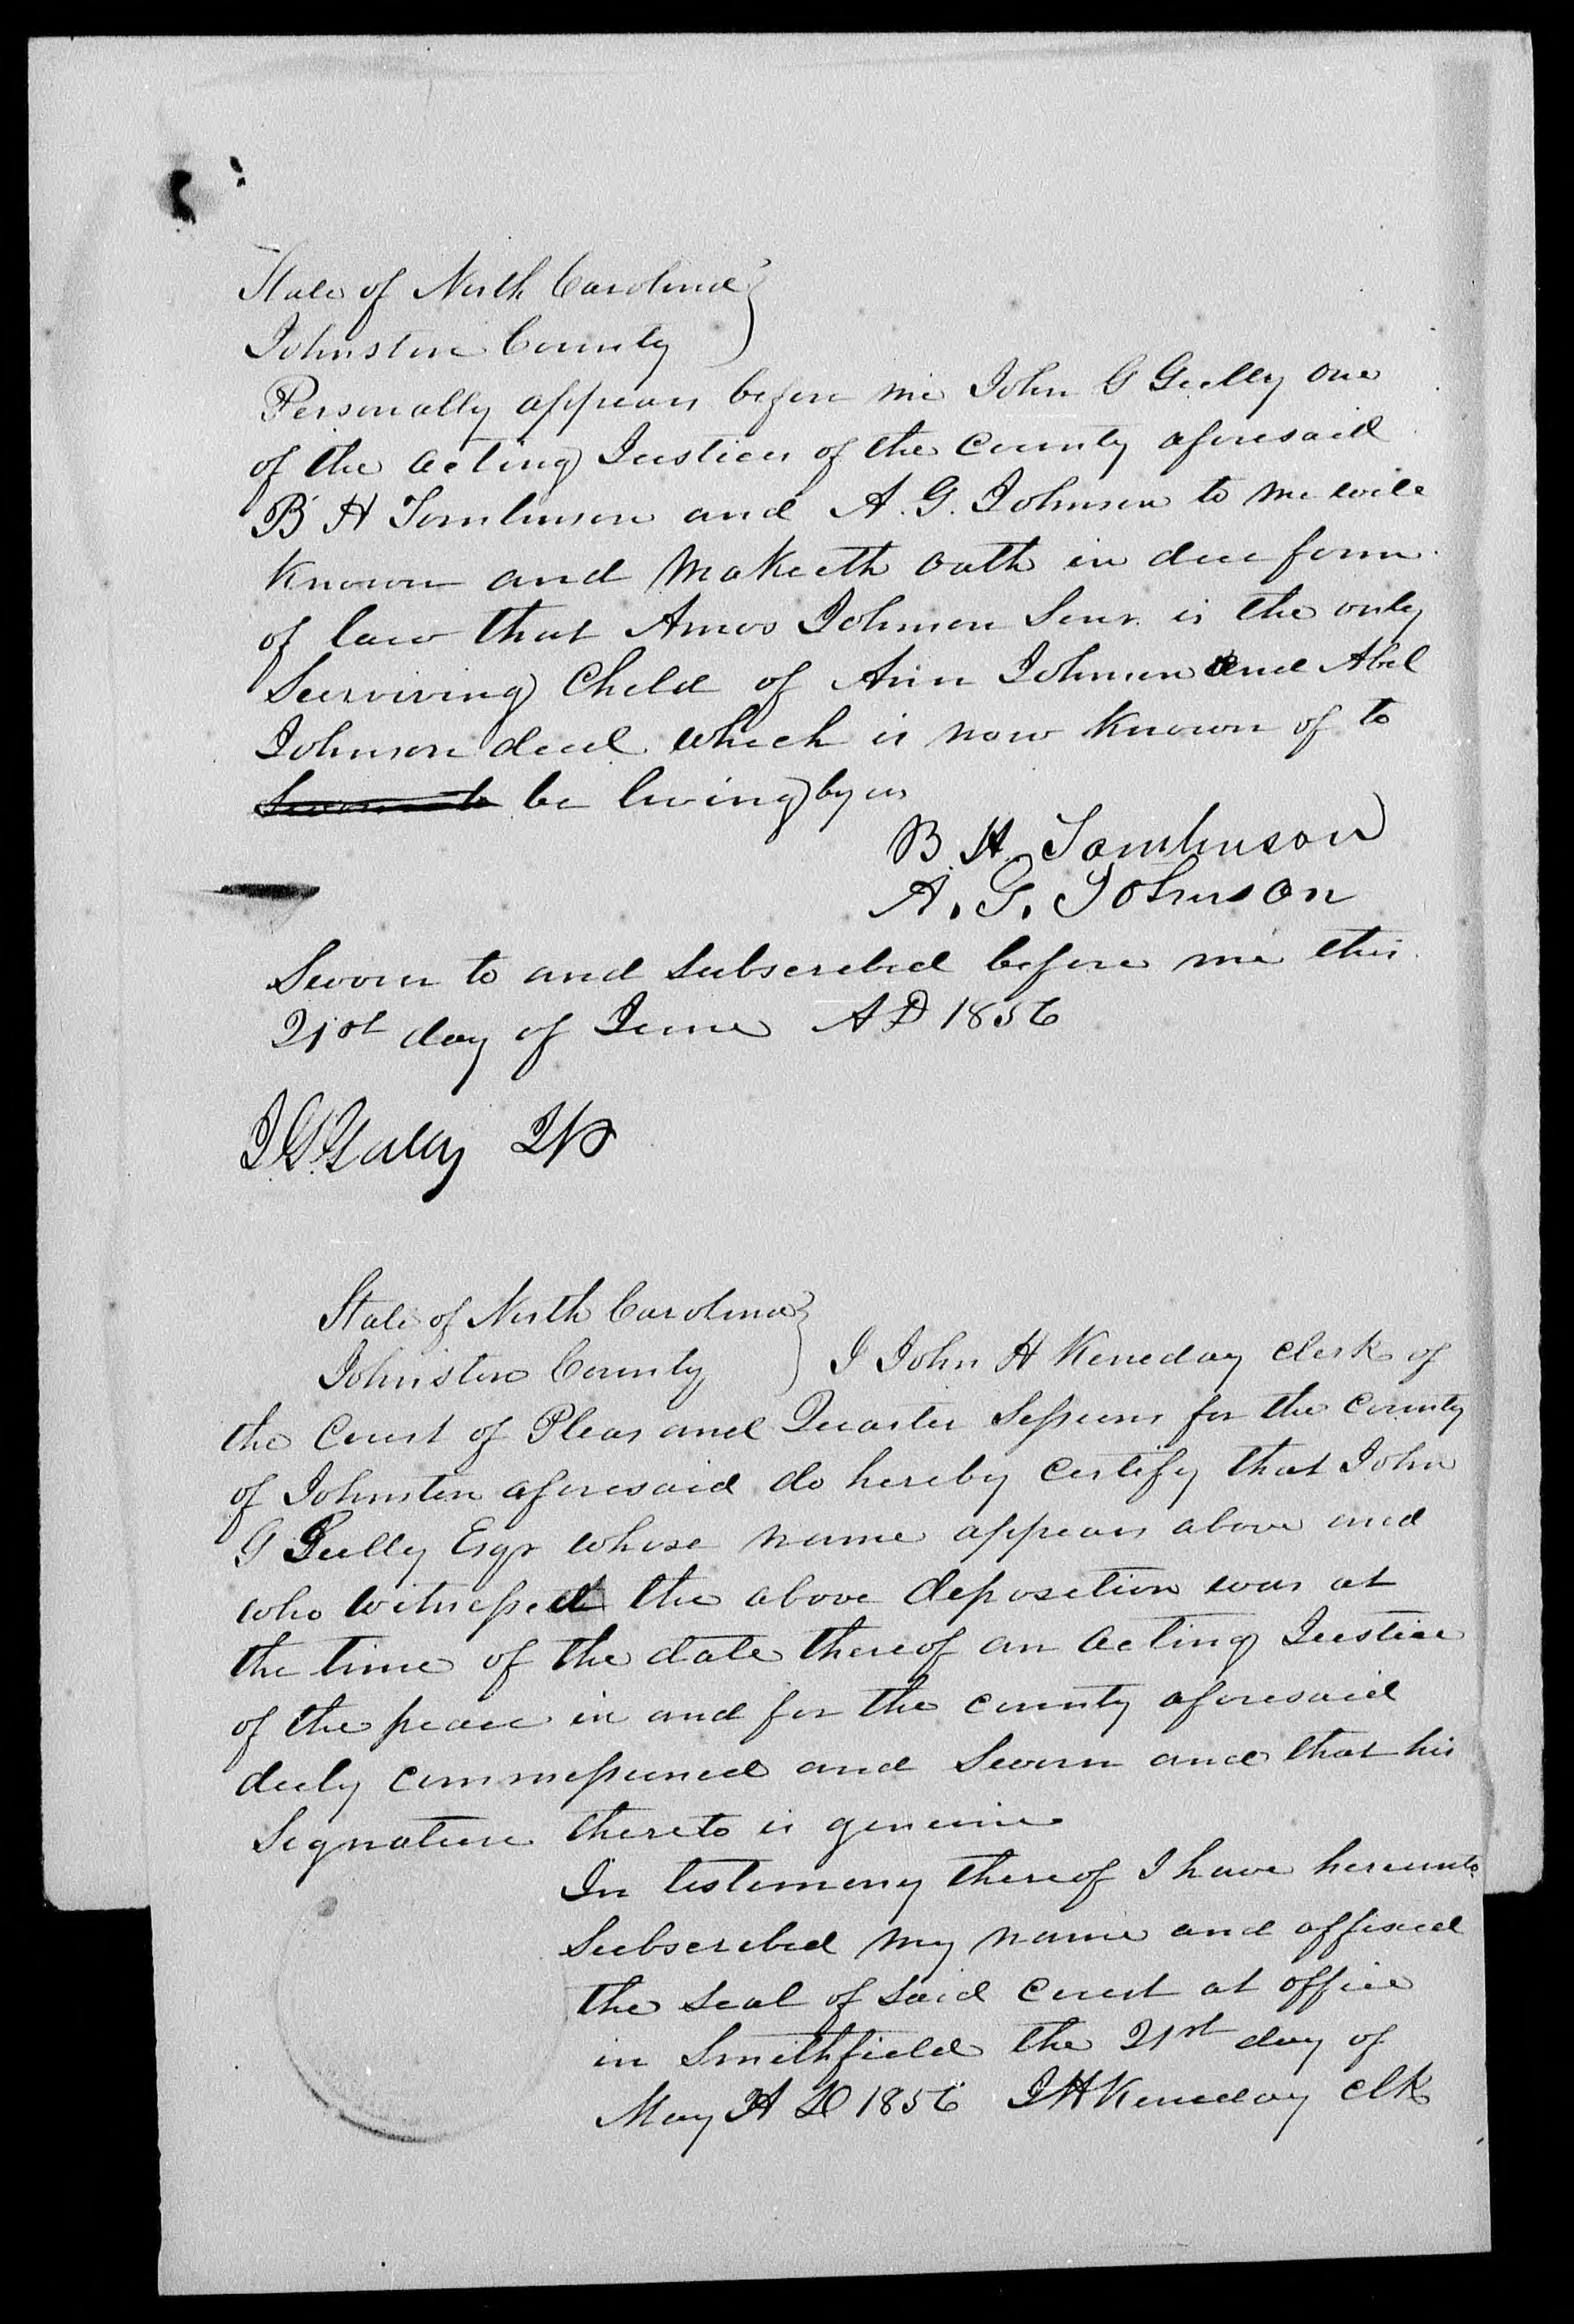State of North Carolina Johnston County Personally appears before me, John G Gully   one of the acting Justices of the County aforesaid   B. H. Tomlinson and A.G. Johnson to me well known and maketh oath in due form of law that Amos Johnson Senior is the only surviving child of Ann and Abel Johnson deceased which is now know to be living by us. 
B. H. Tomlinson    
A. G. Johnson     
Sworn to and subscribed before me this 21st day of June A.D. 1856. 
J. G. Gully, JP     
State of North Carolina Johnston County}    I, John H. Keneday, Clerk of the Court of Pleas and Quarter Sessions for the County of Johnston aforesaid do hereby certify that John G Gully Esqr. whose name appears above and who witnessed the above deposition was at the time of the date thereof an acting Justice of the Peace in and for the County aforesaid duly commissioned and sworn and that his signature thereto is genuine.     
In testimony thereof, I have hereunto subscribed my name and affixed the seal of said Court of Office in Smithfield  the 21st day of May A. D. 1856     
J. H. Keneday, Clerk [seal]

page: 68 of 74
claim: rejected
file: R. 5600, for Abel Johnson, North Carolina